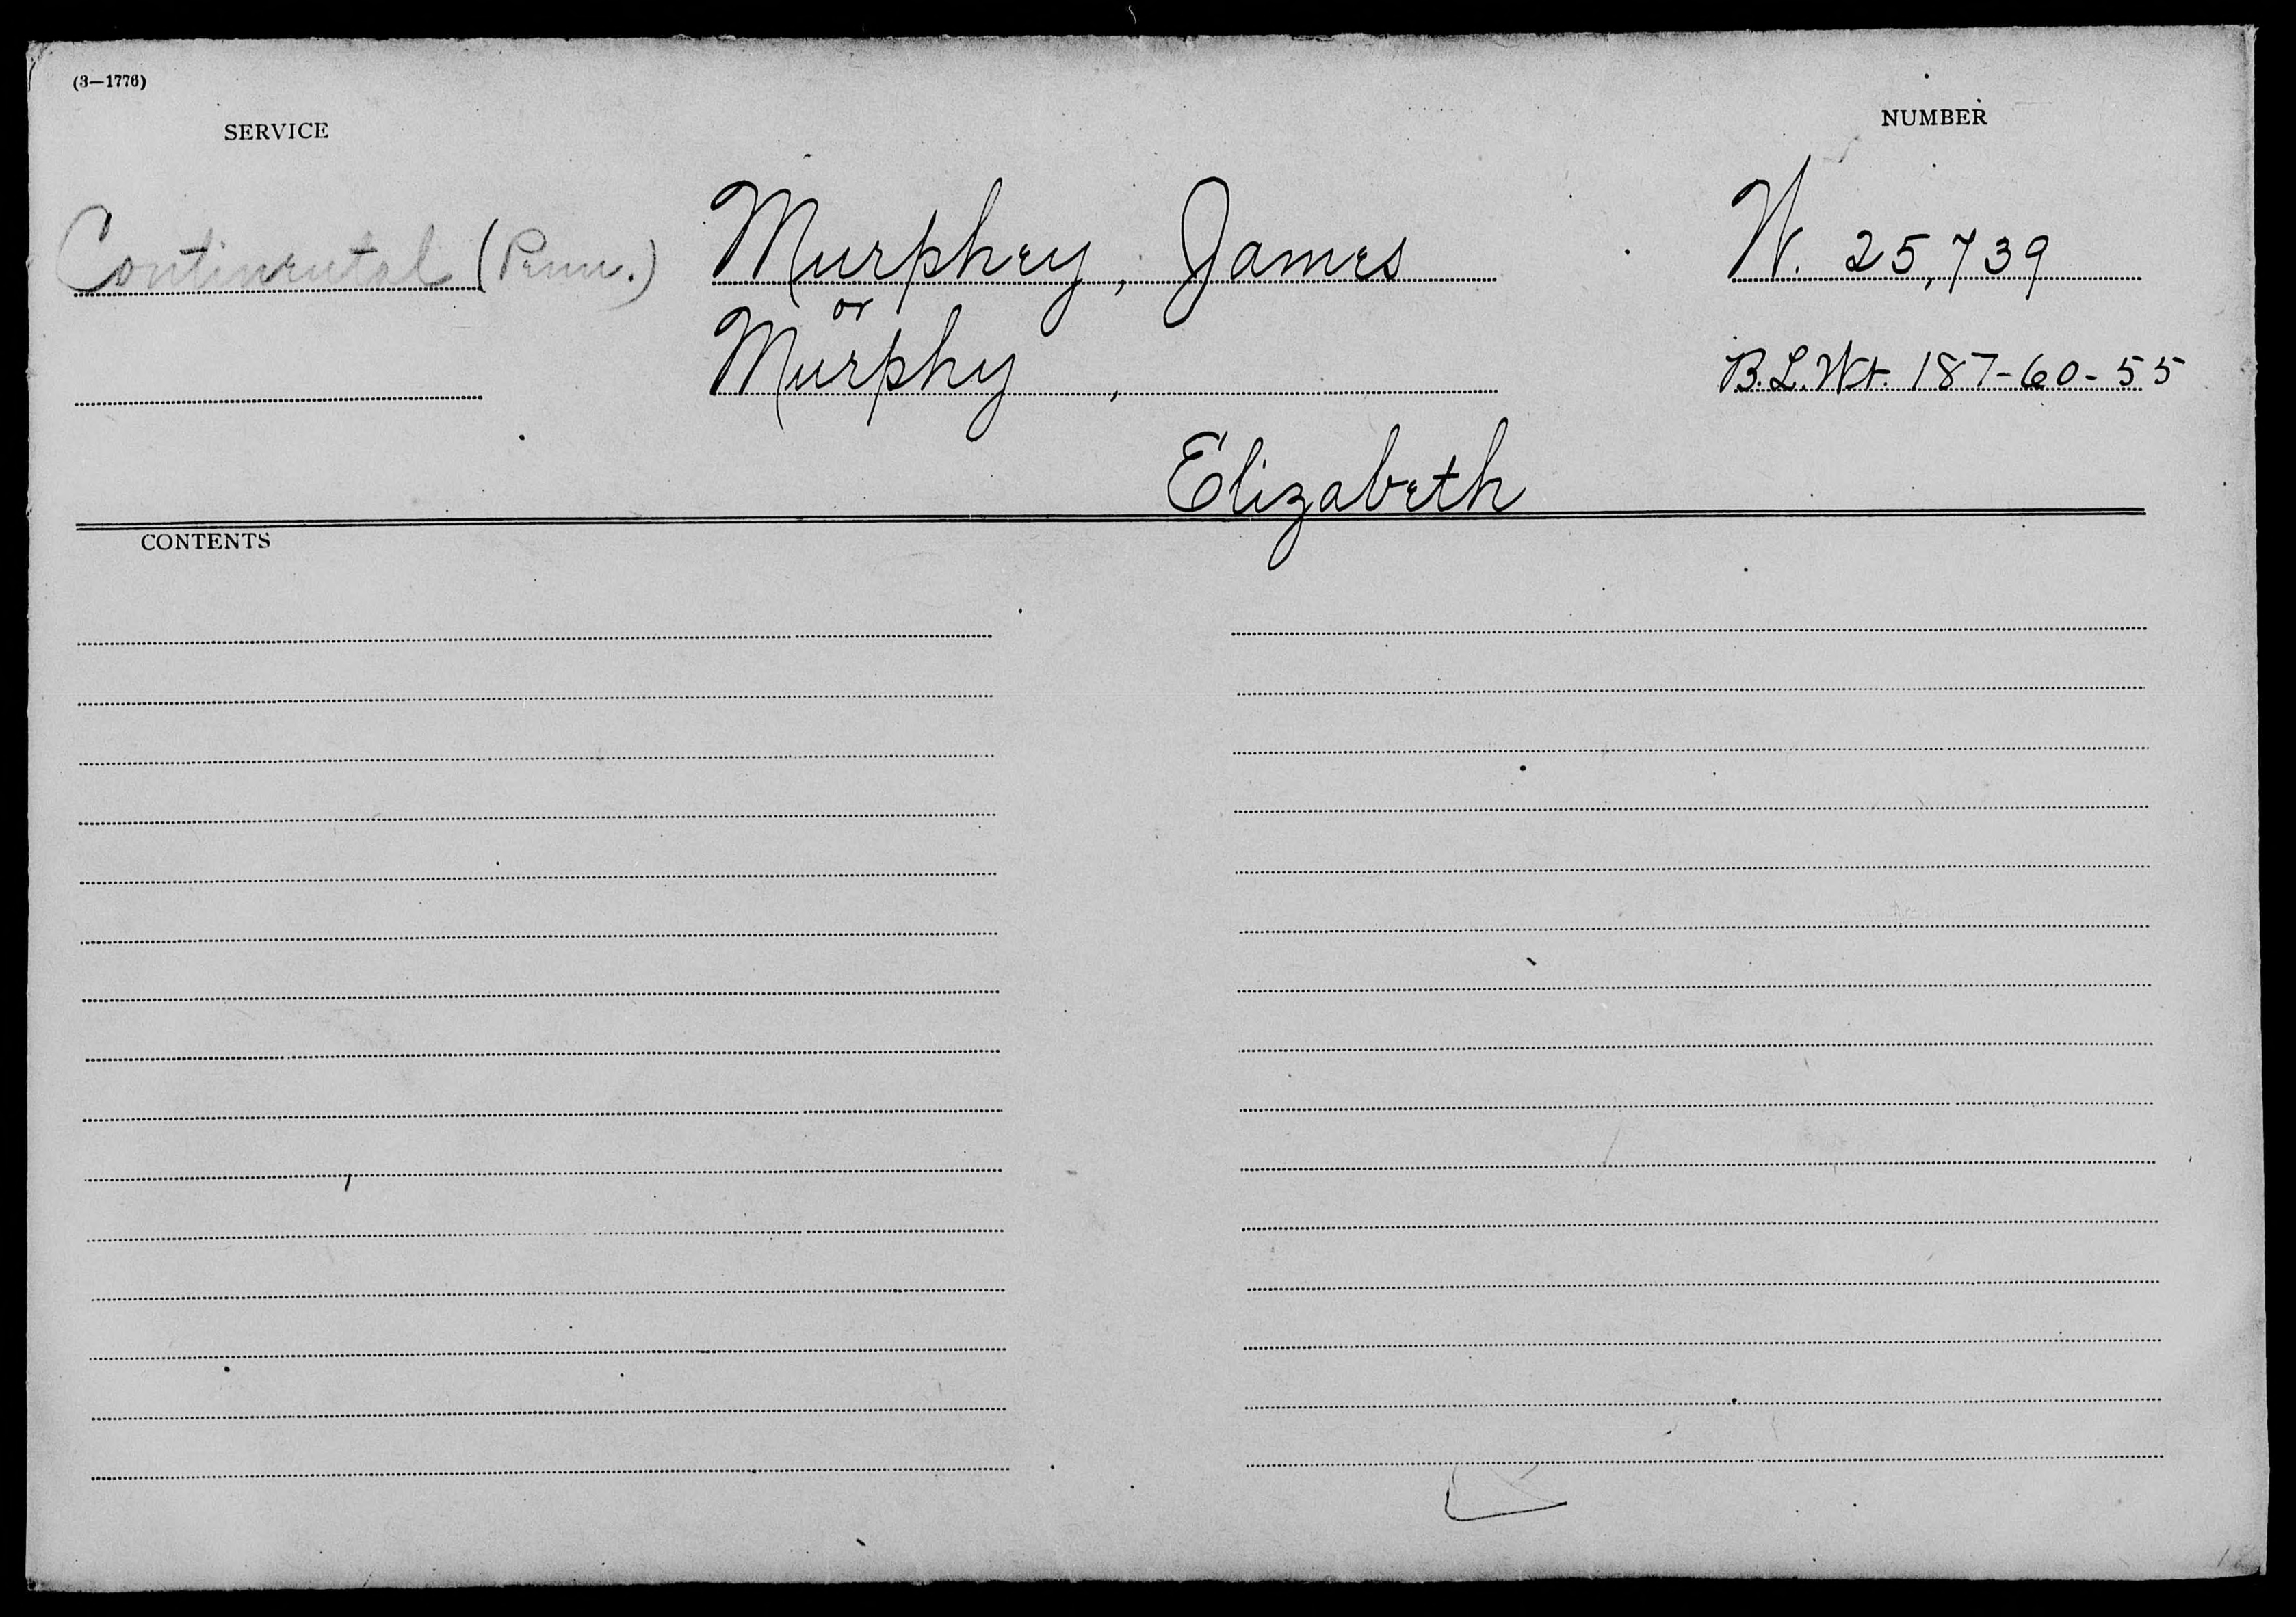SERVICE
Continental (Penn.)

Murphey, James or
Murphy
Elizabeth

NUMBER
W. 25, 739
B.L.Wt. 187-60-55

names: James Murphy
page: 1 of 57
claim: widow's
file: W. 25,739, for James Murphey, Pennsylvania